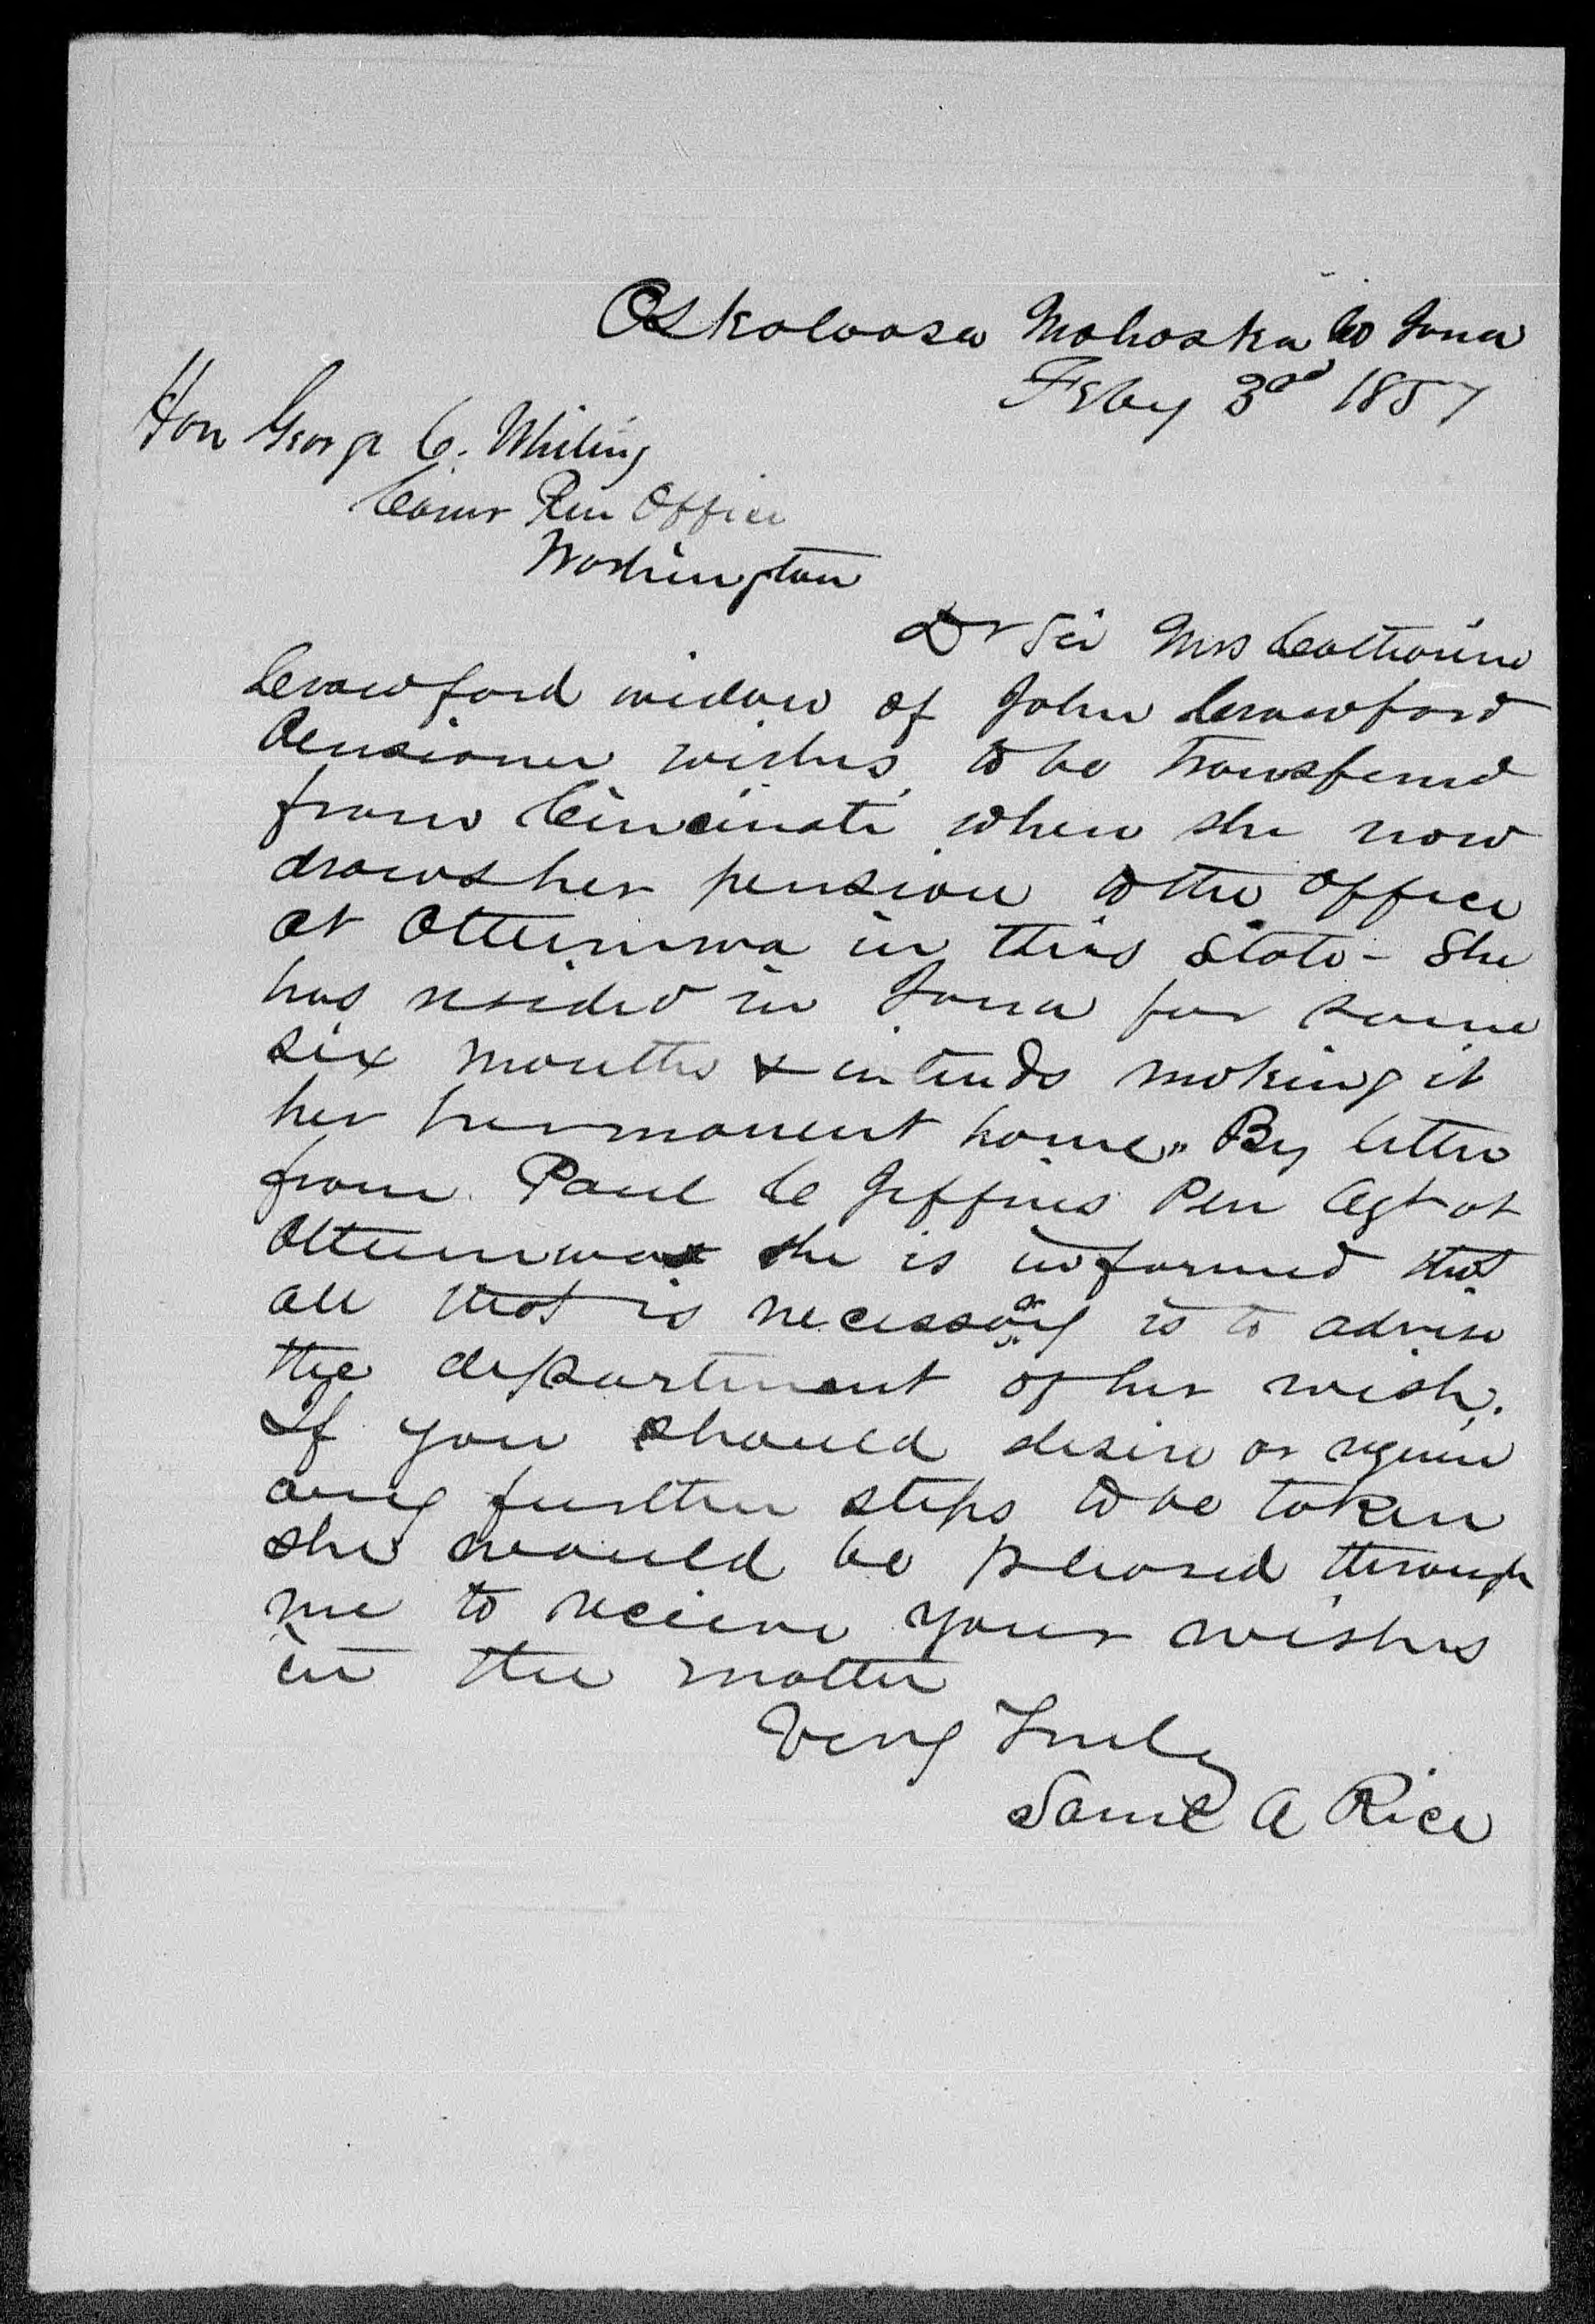Oskaloosa Mahaska Co Iowa
Feby 3d 1857

Hon George C. Whiting
Commr Pen Office
Washington

Dear Sir
Mrs. Catharine Crawford widow of John Crawford Pensioner wishes to be transferred from Cincinnati where she now draw her pension to the office at Ottumwa in this State. She has resided in Iowa for some six months & intends making it her permanent home by letter from Paul C Jeffries Pen Agt of Ottumwa she is informed that all that is necessary is to advise the department of her wish

If you should desire or require any further steps to be taken she would be pleased through me to receive your wishes in the matter
Very Truly
Saml A Rice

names: George C Whiting, Saml A Rice, Catharine Crawford, John Crawford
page: 51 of 80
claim: widow's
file: W 2070, John Crawford, Penn.